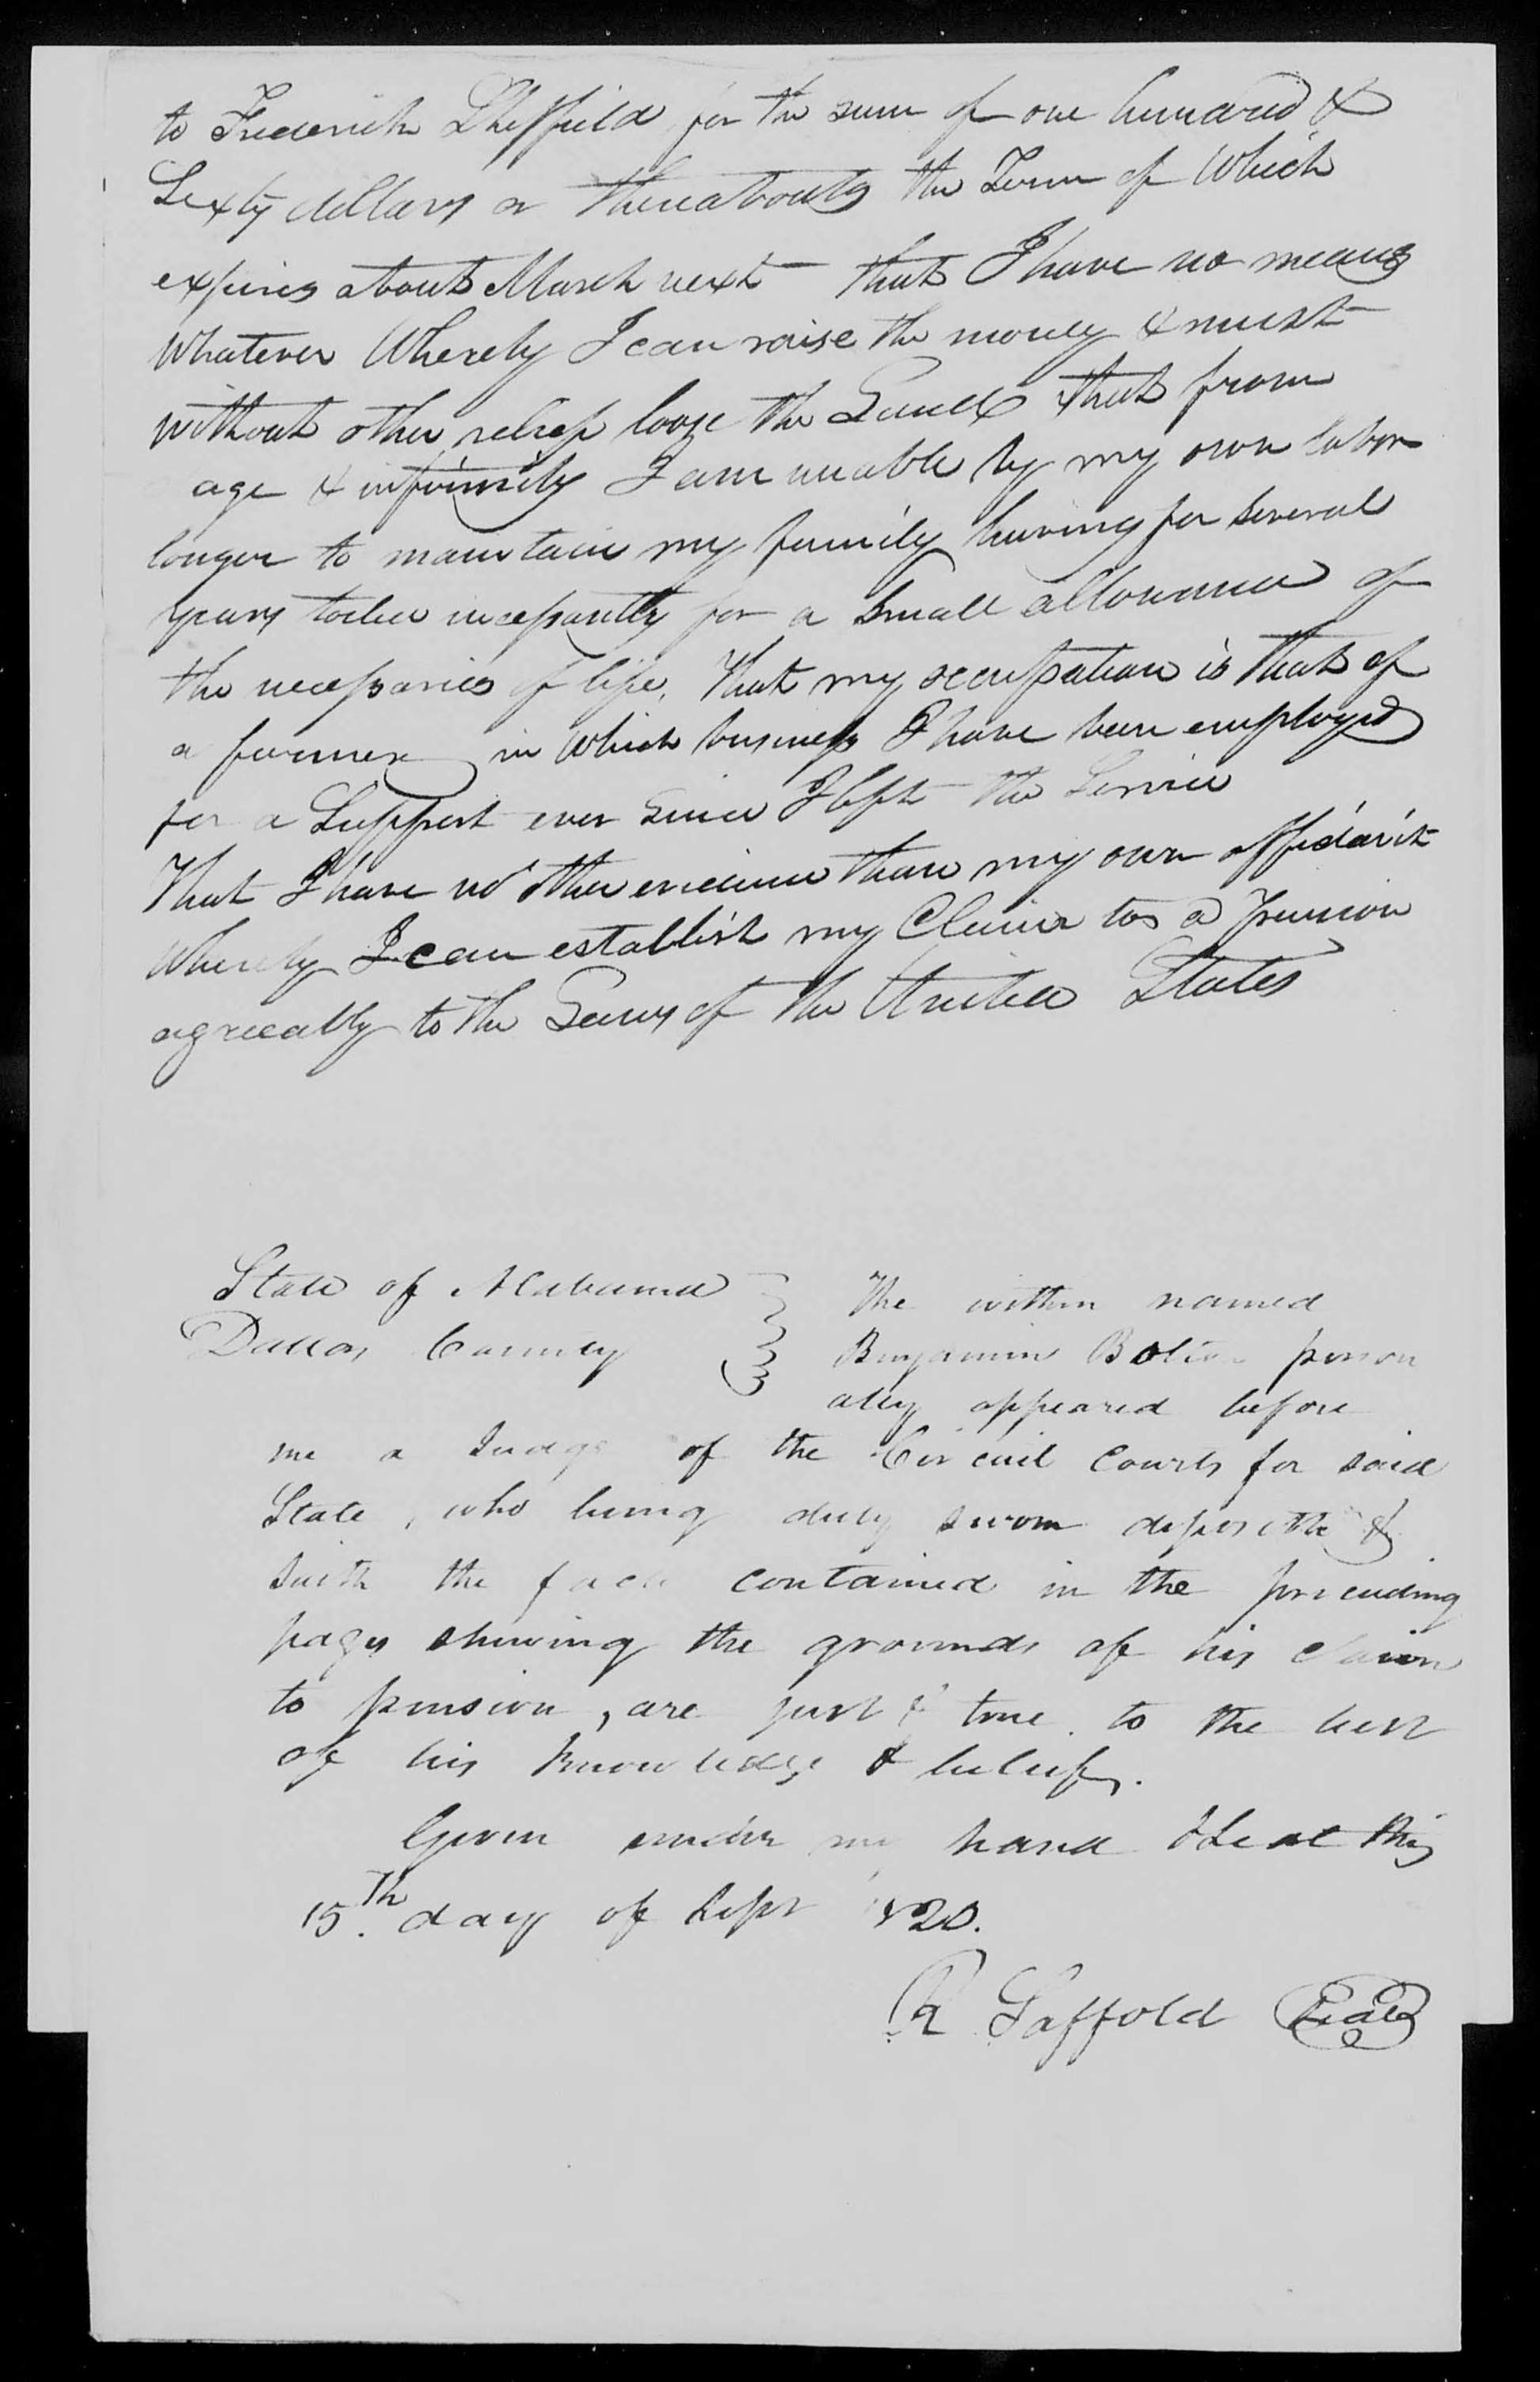to Frederick Sheffield for the sum of one hundred  & Sixty dollars or thereabouts the term of which expires about March next that I have no means whatever whereby I can raise the money & must without other [illegible] loose [sic: lose] the Land that from age & infirmity I am unable by my own labor longer to maintain my family having having for several years toiled incessantly for a small allowance of the necessaries of life. That my occupation is that of a farmer in which business I have been employed for a Support ever since I left the service

That I have no other evidence than my own affidavit whereby I can establish my Claim to a pension agreeably to the Laws of the United States


State of Alabama }
Dallas County }
The within named Benjamin Bolton personally appeared before me a Judge of the Circuit Courts for said State, who being duly sworn deposeth & saith the facts contained in the preceeding pages shewing the grounds of his claim to pension, are just & true to the best of his knowledge & belief.

Given under my hand & seal this 15th day of Sepr 1820.
S/R Saffold [personal seal]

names: Benjamin Bolton, R Saffold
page: 15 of 29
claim: survivor's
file: S. 37,795, Benjamin Bolton, N.C.